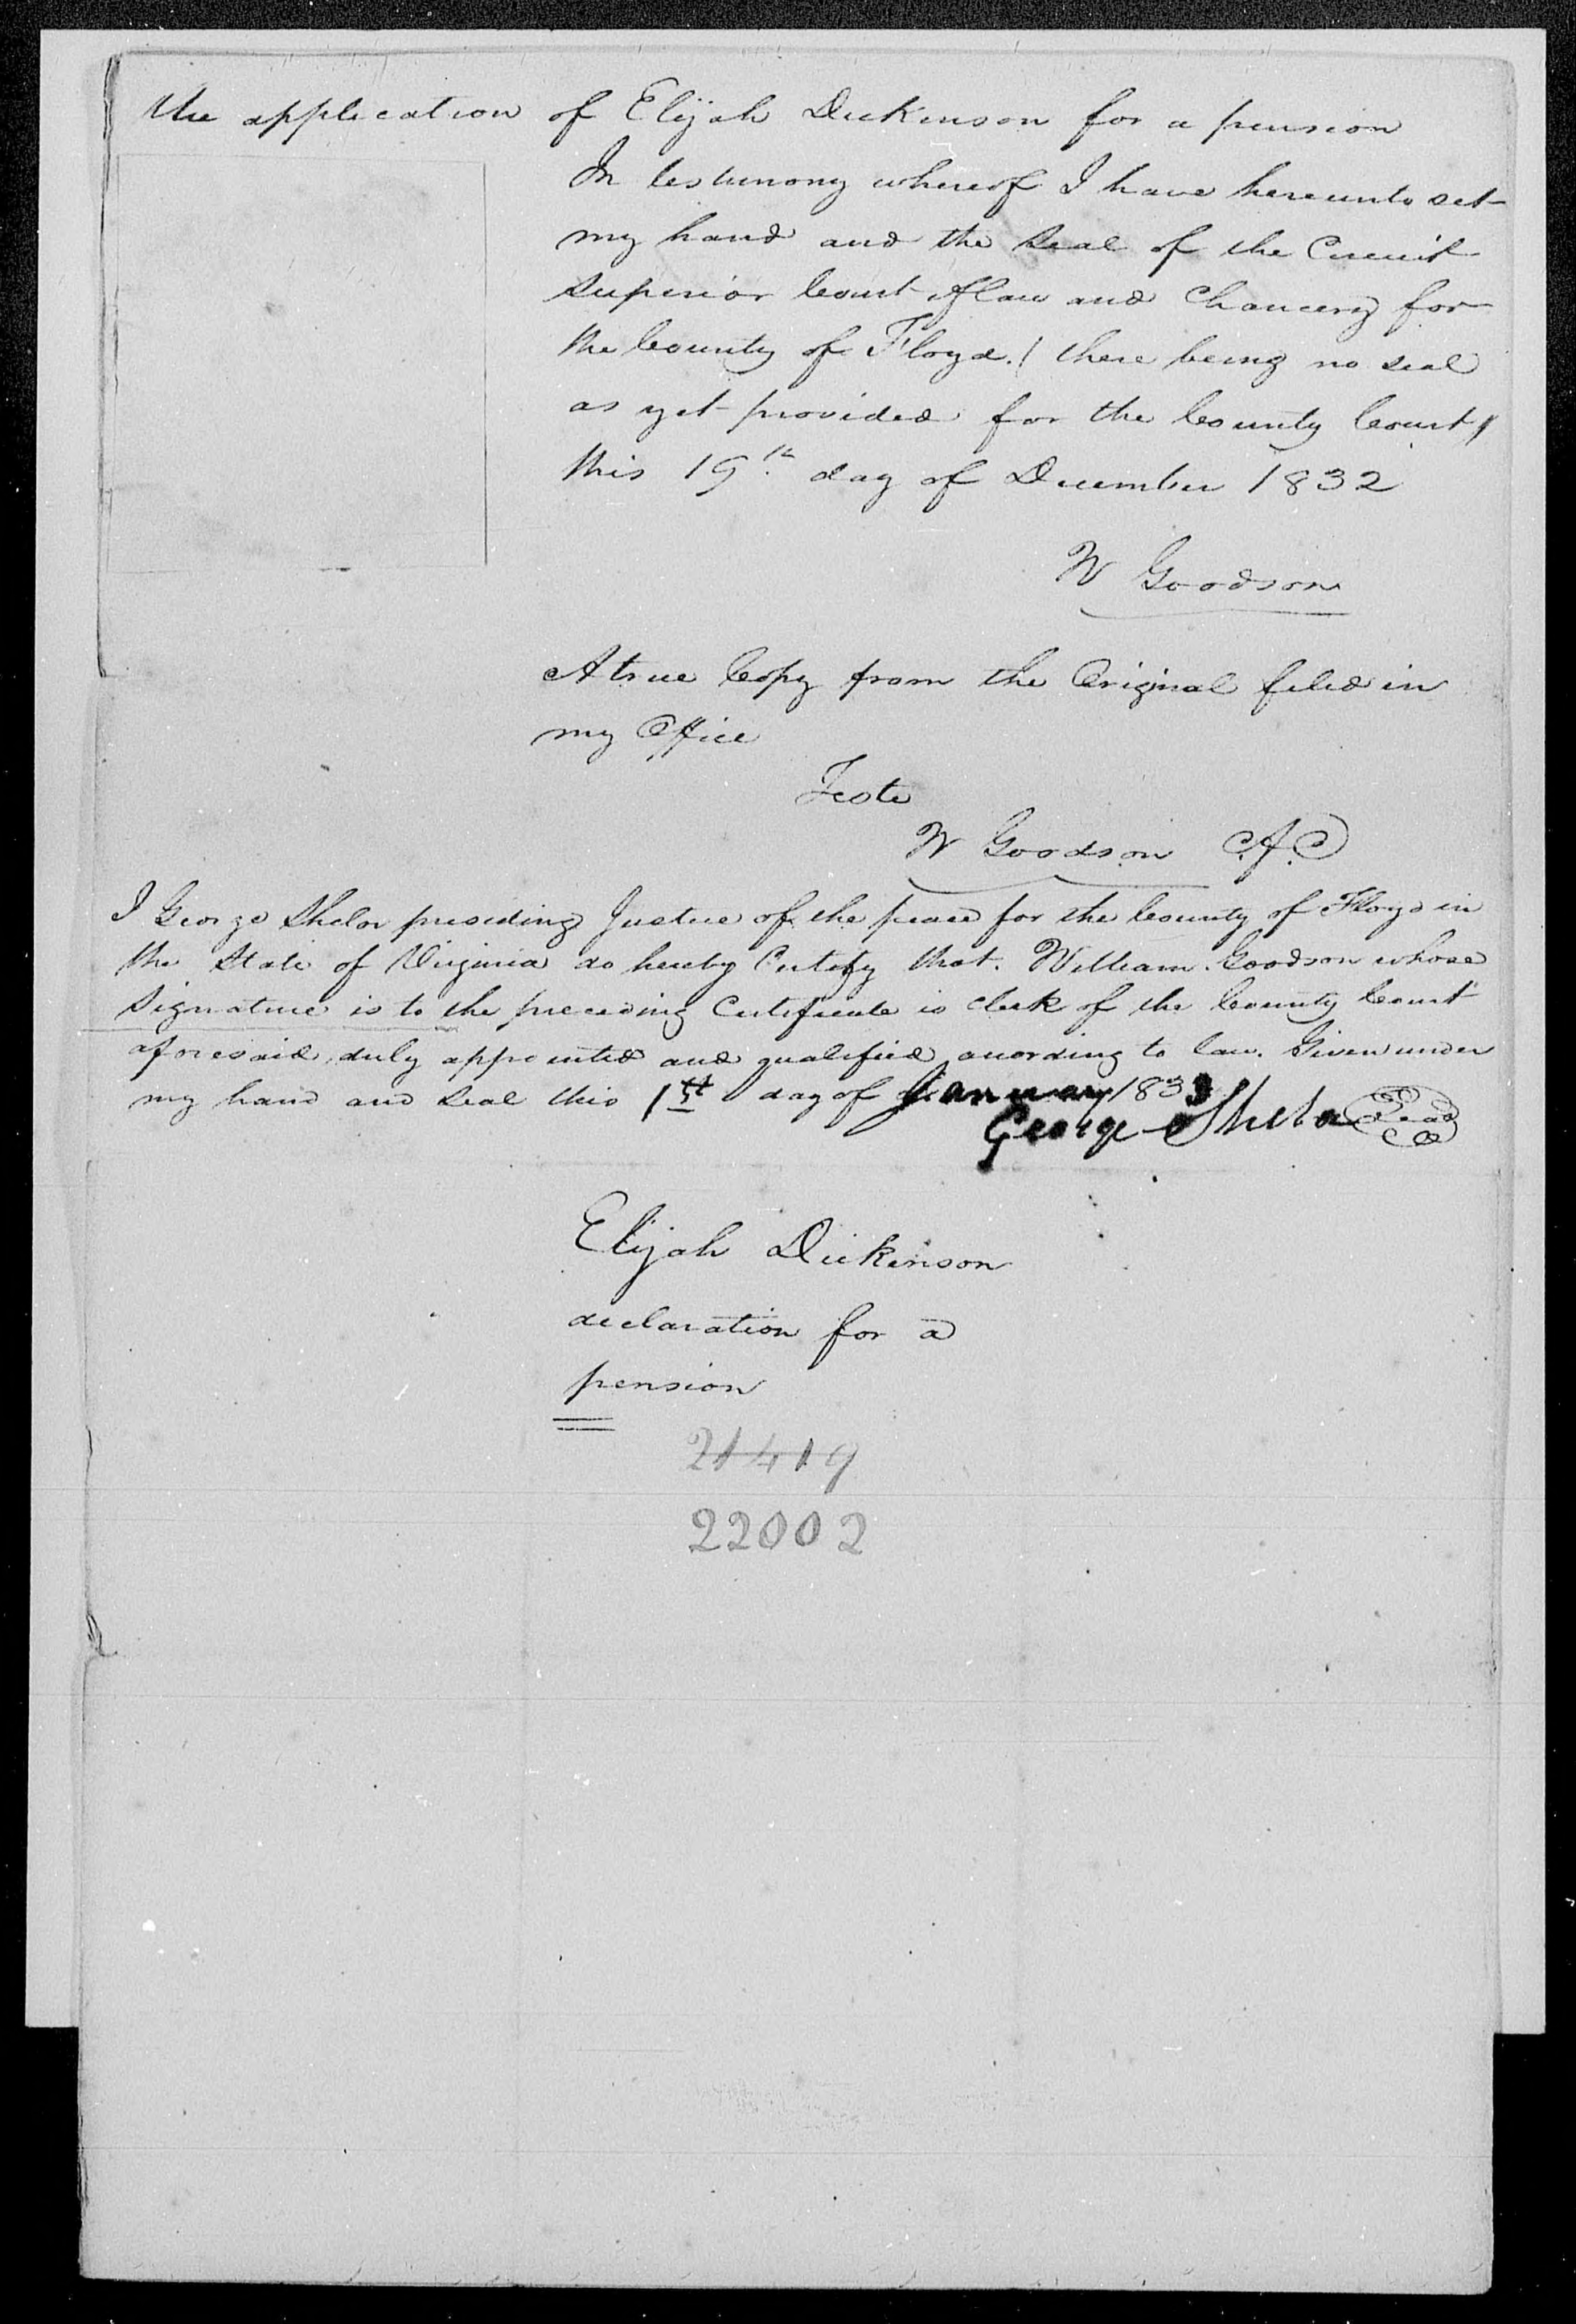the application of Elijah Dickenson for a pension 
In testimony whereof I have hereunto set my hand and the seal of the Circuit Superior Court of Law and Chancery for the County of Floyd. (there being no seal as yet provided for the County Court) this 19th day of December 1832
W Goodson

A true Copy from the Original filed in my Office
Teste
W Goodson F.C.

I George Shelor presiding Justice of the peace for the County of Floyd do hereby Certify that William Goodson whose signature is to the preceding Certificate is Clerk of the County Court aforesaid, duly appointed and qualified according to law. Given under my hand and seal this 1st day of January 1833
George Shelor {Seal}

Elijah Dickenson
declaration for a 
pension
21419
22002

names: George Shelor, Elijah Dickenson, W Goodson, W Goodson, William Goodson, Elijah Dickenson, George Shelor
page: 6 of 12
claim: survivor's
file: S. 6796, Elijah Dickenson, Va.